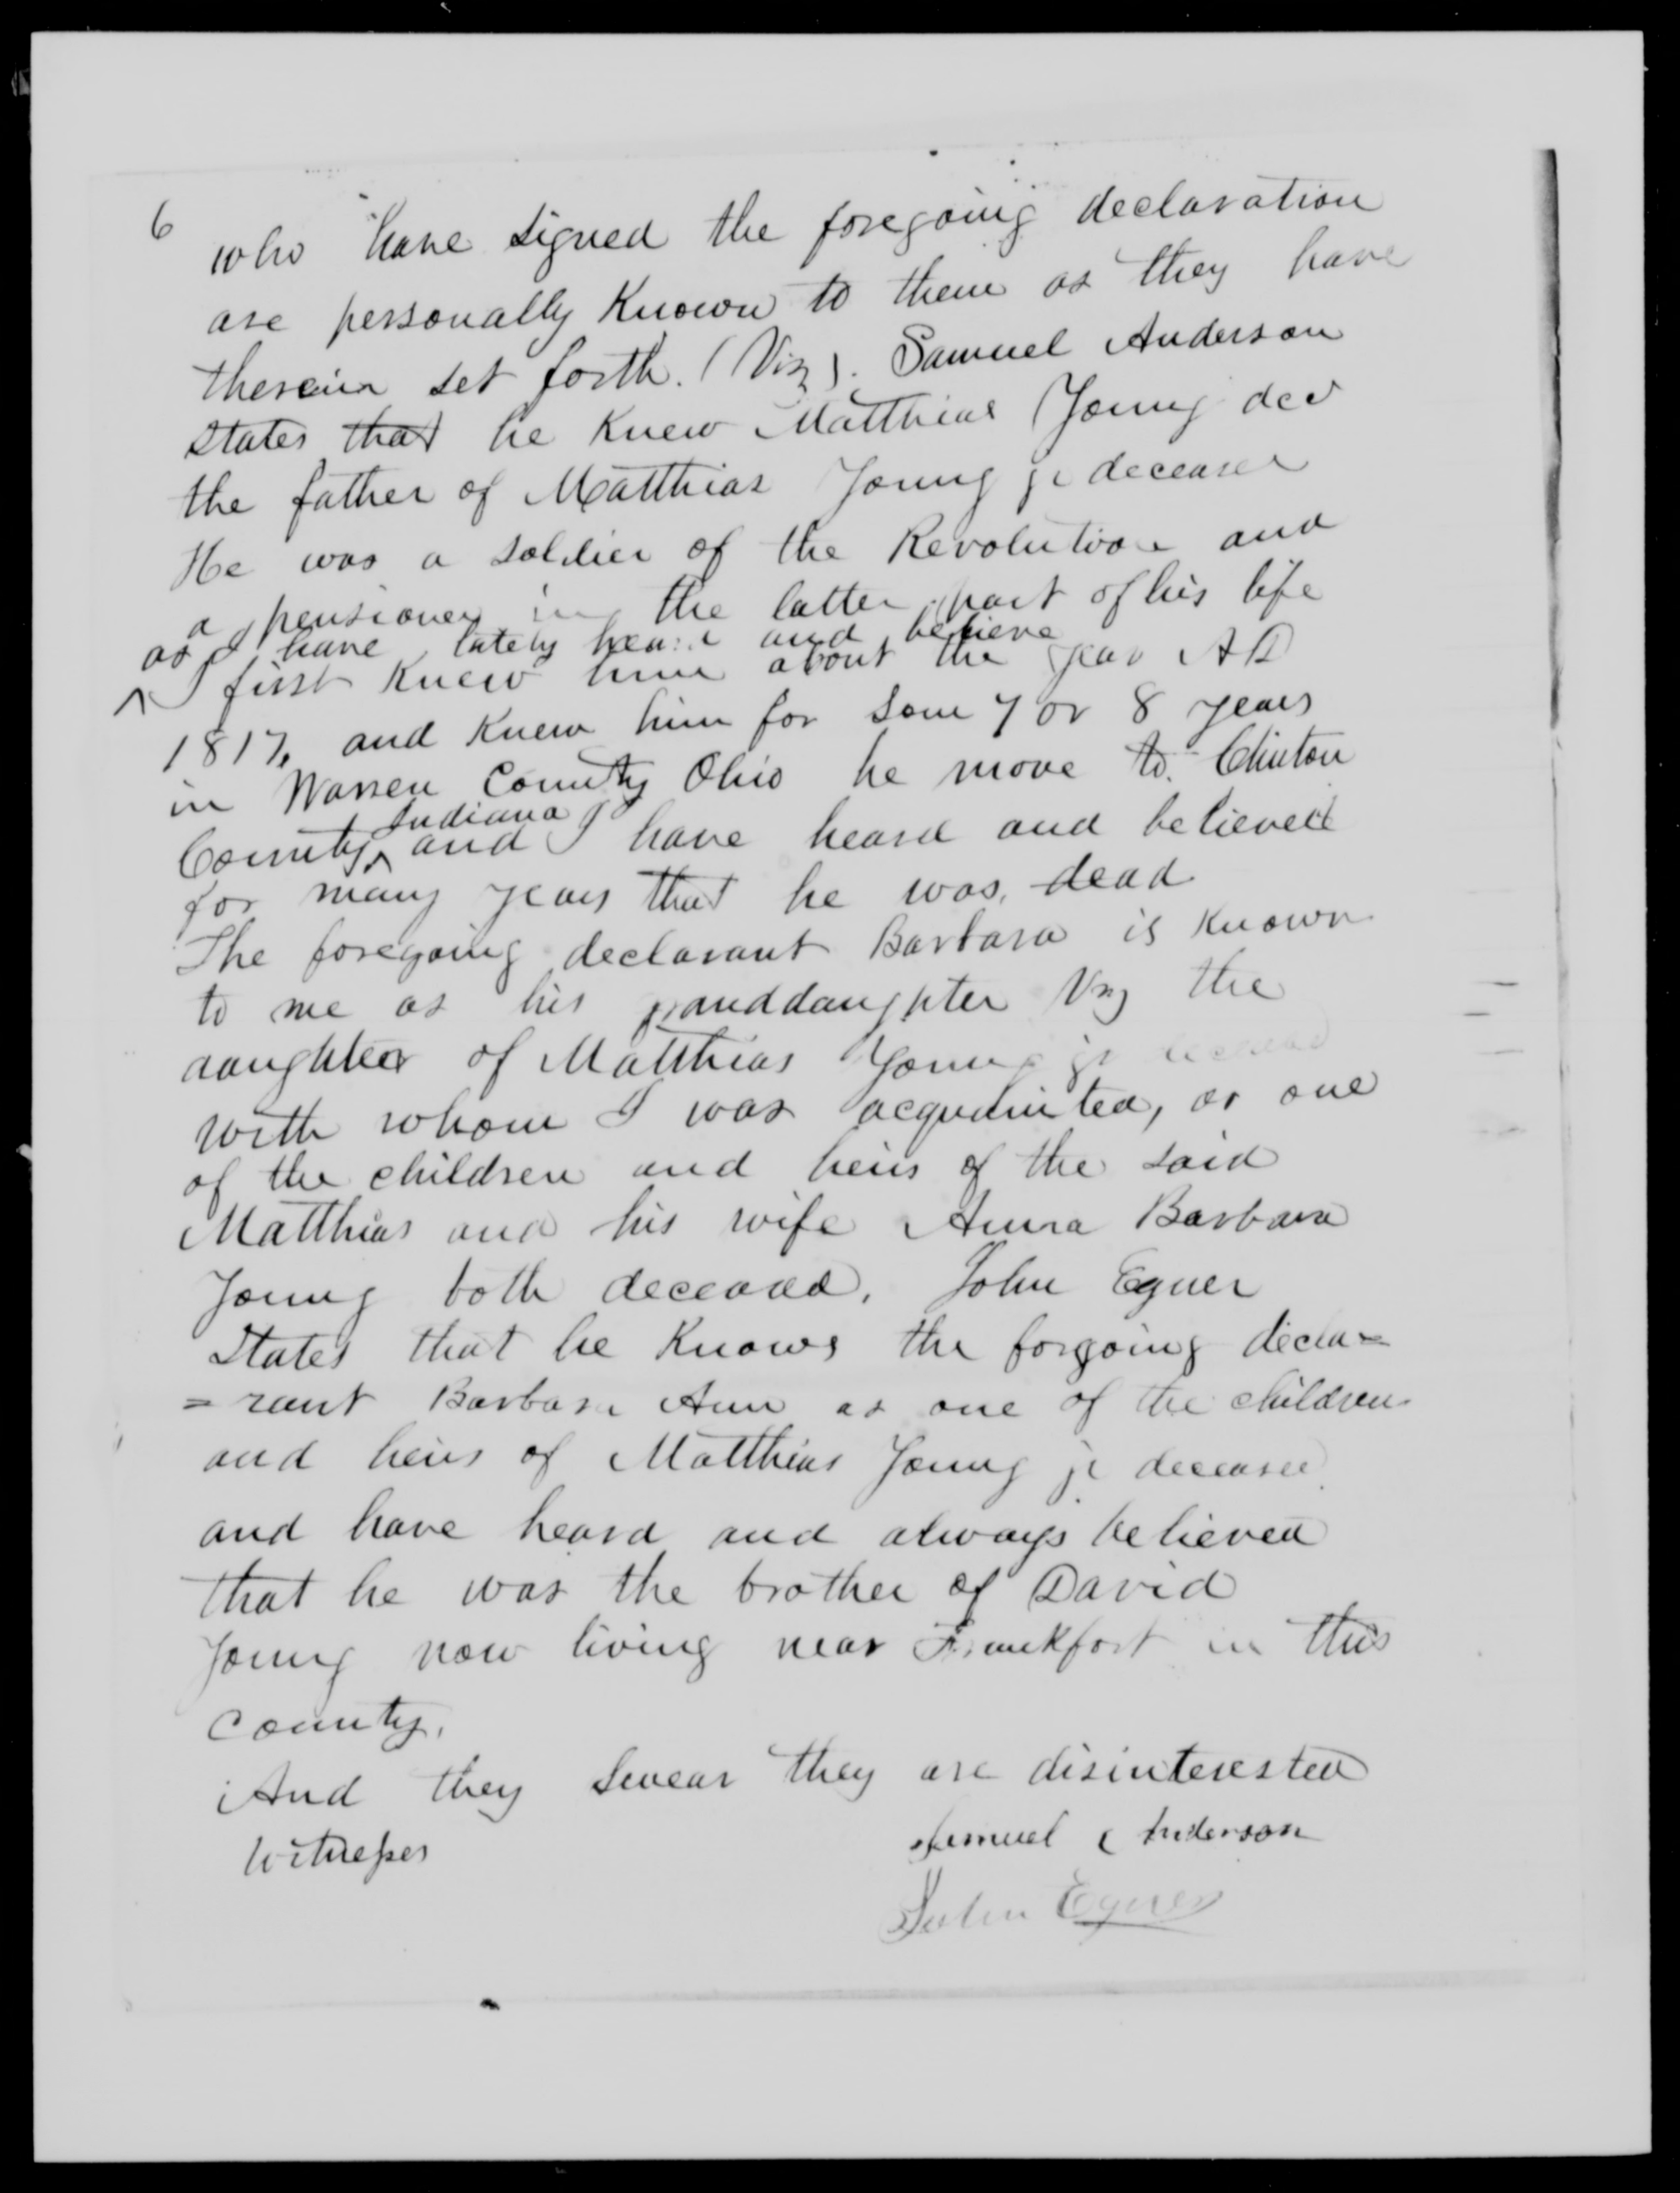6
who have signed the foregoing declaration
are personally known to them as they have
therein set forth. (Viz) Samuel Anderson
States that he knew Matthias Young dec’d
the father of Matthias Young jr deceased.
He was a soldier of the Revolution, and
pensioner in the latter part of his life, 
as I have lately heard and believe.
I first knew him about the year AD
1817, and knew him for some 7 or 8 years
in Warren County Ohio. He move[d] to Clinton
County Indiana and I have heard and believed
for many years that he was dead.
The foregoing declarant Barbara is known
to me as his granddaughter. Viz The
daughter of Matthias Young jr dec’d, 
with whom I was acquainted, as one of the
children and heirs of the said
Matthias and his wife Anna Barbara
Young both deceased. John Egner
States that he knows the forgoing declarant
 Barbara Ann as one of the children
and heirs of Matthias Young jr deceased,
and have heard and always believed
that he was the brother of David
Young now living near Frankfort in this
County.
And they swear they are disinterested
Witnesses.
Samuel Anderson
John Egner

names: Samuel Anderson, John Egner, Barbara, Anna Barbara Young, Barbara Ann, David Young, Matthias Young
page: 93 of 123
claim: rejected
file: R. 11,949, Matthias Young, Md.